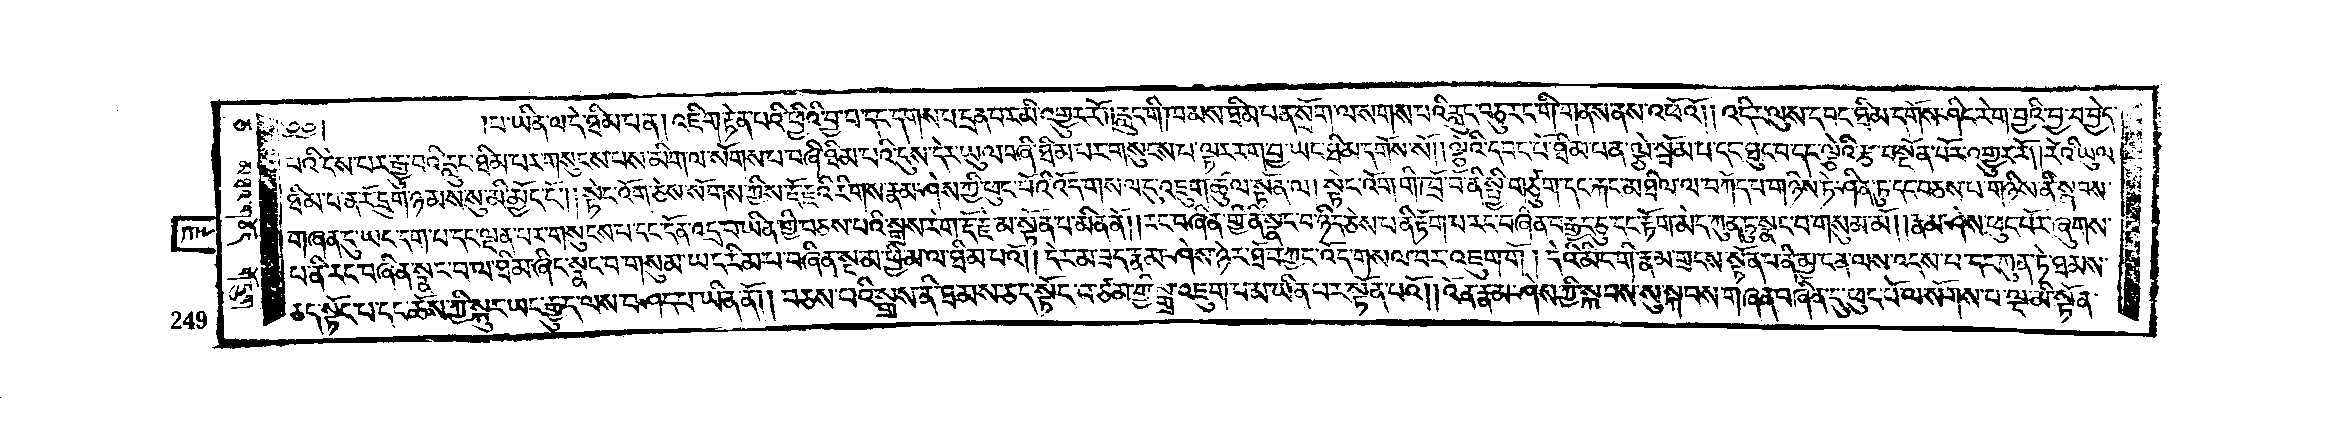༄༅། །པ་ཡིན་ལ་དེ་ཐིམ་པ་ན། འཇིག་རྟེན་པའི་ཕྱིའི་བྱ་བ་དང་དགས་པ་དྲན་པར་མི་འགྱུར་རོ། །རླུང་གི་ཁམས་ཐིམ་པ་ན་སྲོག་ལ་སོགས་པའི་རླུང་བཅུ་རང་གི་གནས་ནས་འཕོའོ། །འདིར་ལུས་དབང་ཐིམ་དགོས་ཤིང་རེག་བྱའི་བྱ་བ་བྱེད་
པའི་ངེས་པར་རྒྱུ་བའི་རླུང་ཐིམ་པར་གསུངས་པས་མིག་ལ་སོགས་པ་བཞི་ཐིམ་པའི་དུས་དེར་ཡུལ་བཞི་ཐིམ་པར་གསུངས་པ་ལྟར་རེག་བྱ་ཡང་ཐིམ་དགོས་སོ། །ལྕེའི་དབང་པོ་ཐིམ་པ་ན་ལྕེ་སྦོམ་པ་དང་ཐུང་བ་དང་ལྕེའི་རྩ་བ་སྔོན་པོར་འགྱུར་རོ། །རོའི་ཡུལ་
ཐིམ་པ་ན་རོ་དྲུག་ཉམས་སུ་མི་མྱོང་ངོ། །སྟེང་འོག་ཅེས་སོགས་ཀྱིས་རྡོ་རྗེའི་རིགས་རྣམ་ཤེས་ཀྱི་ཕུང་པོའི་འོད་གསལ་དུ་འཇུག་ཚུལ་སྟོན་ལ། སྟེང་འོག་གི་ཁྲོ་བོ་ནི་སྤྱི་གཙུག་དང་རྐང་མཐིལ་ལ་བཀོད་པ་གཉིས་ཏེ་ཤིན་ཏུ་དང་བཅས་པ་གཉིས་ནི་སྐབས་
གཞན་དུ་ཡང་དག་པ་དང་ལྡན་པར་གསུངས་པ་དང་དོན་འདྲ་བ་ཡིན་གྱི་བཅས་པའི་སྒྲས་རེག་རྡོ་རྗེ་མ་སྟོན་པ་མིན་ནོ། །རང་བཞིན་གྱི་ནི་སྣང་བ་ཉིད་ཅེས་པ་ནི་རྟོག་པ་རང་བཞིན་བརྒྱད་ཅུ་དང་རྟོག་མེད་ཀུན་ཏུ་སྣང་བ་གསུམ་མོ། །རྣམ་ཤེས་ཕུང་པོར་ཞུགས་
པ་ནི་རང་བཞིན་སྣང་བ་ལ་ཐིམ་ཞིང་སྣང་བ་གསུམ་ཡང་རིམ་པ་བཞིན་སྔ་མ་ཕྱི་མ་ལ་ཐིམ་པའོ། །དེར་མ་ཟད་རྣམ་ཤེས་ཉེར་ཐོབ་ཀྱང་འོད་གསལ་བར་འཇུག་གོ །དེའི་མིང་གི་རྣམ་གྲངས་སྟོན་པ་ནི་མྱ་ངན་ལས་འདས་པ་དང་ཀུན་ཏ་ཐམས་
ཅད་སྟོང་པ་དང་ཆོས་ཀྱི་སྐུར་ཡང་རྒྱུད་ལས་བཤད་པ་ཡིན་ནོ། །བཅས་པའི་སྒྲས་ནི་ཐམས་ཅད་སྟོང་པ་ཙམ་གྱི་སྒྲ་འཇུག་པ་མ་ཡིན་པར་སྟོན་པའོ། །འོ་ན་རྣམ་ཤེས་ཀྱི་སྐབས་སུ་སྐབས་གཞན་བཞིན་དུ་ཕུང་པོ་ལ་སོགས་པ་ལྔ་མི་སྟོན་